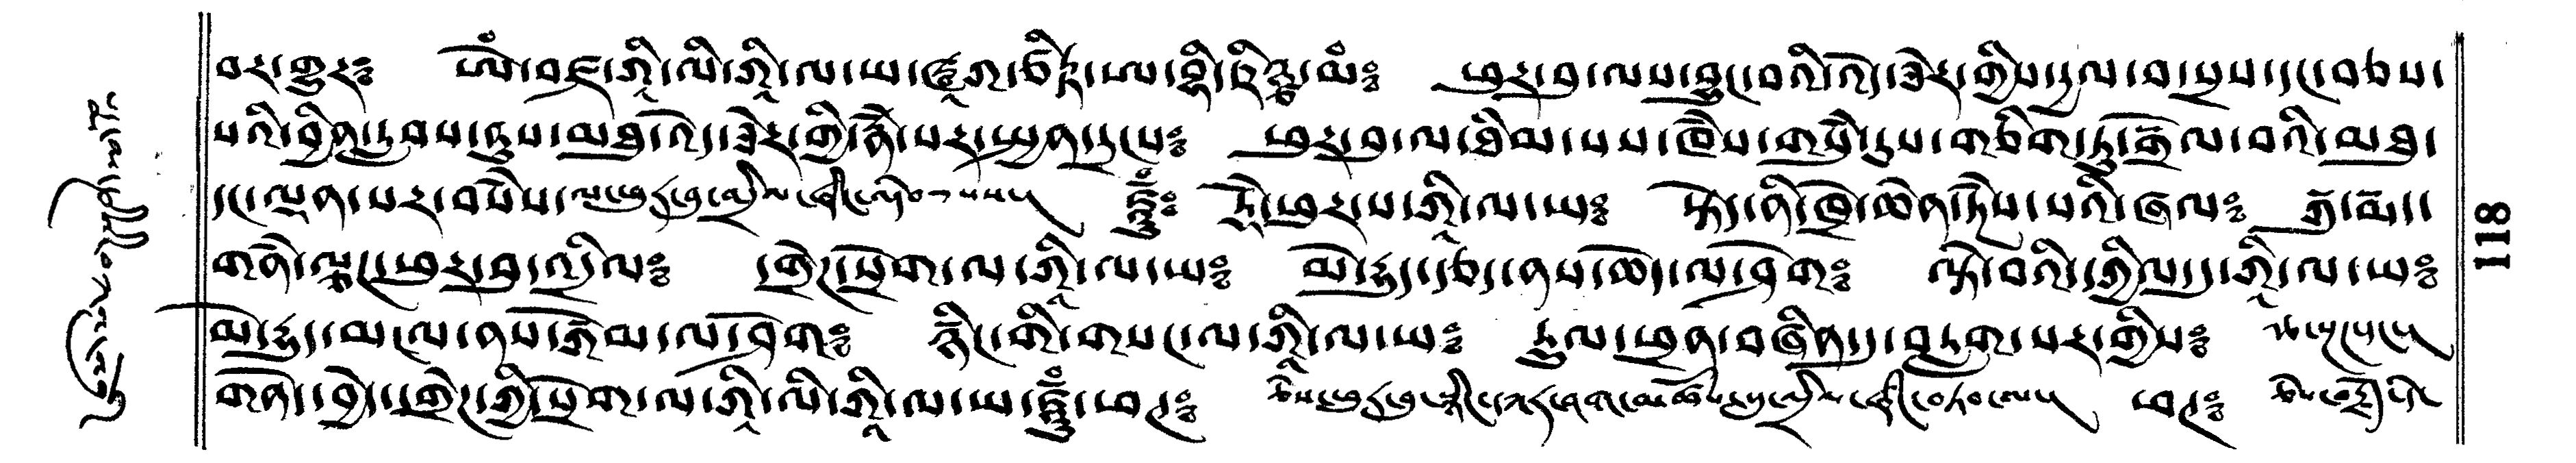བར་གྱུར༔ ཨོཾ་བཛྲ་ཀཱི་ལི་ཀཱི་ལ་ཡ་ཀ་ཡ་ཝཱཀྐ་ཙིཏྟ་ཨ་བྷི་རིཉྪ་མཾ༔ ཕུར་བུ་ལས་བྱུང་བའི་འོད་ཟེར་གྱིས་རྒྱལ་བ་སྲས་དང་བཅས་
པའི་བྱིན་རླབས་ནུས་མཐུ་འོད་ཟེར་གྱི་རྣམ་པར་སྤྱན་དྲངས༔ ཕུར་བུ་ལ་ཐིམ་པས་ཁམས་གསུམ་དུས་གཅིག་ཏུ་སྒྲོལ་བའི་མཐུ་
དང་ལྡན་པར་བསམས་ལ་ཕུར་བུ་འདྲིལ་ཞིང་འདེབས་པས། ཧཱུྃཿ རྡོ་རྗེ་ཕུར་པ་ཀཱི་ལ་ཡ༔ སྟོད་ནི་ཁྲོ་ཆེན་རྔམས་པའི་ཞལ༔ སྐུ་སྨད་
གནམ་ལྕགས་ཕུར་བུ་འདྲིལ༔ དགྲ་བགེགས་སྲོག་ལ་ཀཱི་ལ་ཡ༔ ཕོ་རྒྱུད་རྩད་ནས་ཆོད་ལ་ཤོག༔ ལྟེ་བའི་དཀྱིལ་དུ་ཀཱི་ལ་ཡ༔ 
མོ་རྒྱུད་མངལ་ནས་སྐེམ་ལ་ཤོག༔ སྙིང་གི་གསང་ལ་ཀཱི་ལ་ཡ༔ རྡུལ་ཕྲན་བཞིན་དུ་བརླག་པར་གྱིས༔ རྩ་སྔགས་དང་། 
གནོད་བྱེད་དགྲ་བགེགས་ཀྱི་སྲོག་ལ་ཀཱི་ལི་ཀཱི་ལ་ཡ་ཧཱུྃ་ཕཊ༔ ཅེས་ཕུར་བུ་སྙིང་དཀར་ནག་མཚམས་སུ་འདྲིལ་ཞིང་བཏབ་ལ། ཕཊཿ ཅེས་བརྗོད་དེ་